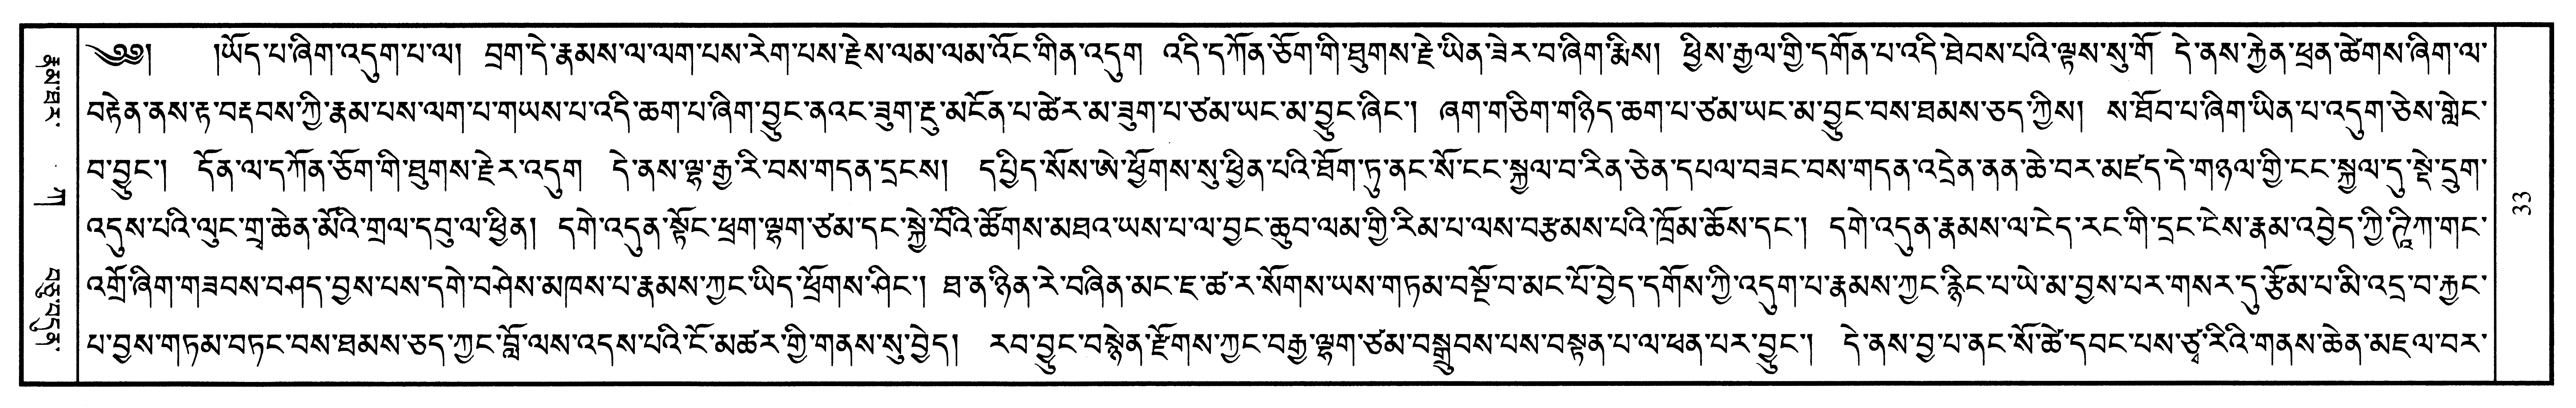༄༅། །ཡོད་པ་ཞིག་འདུག་པ་ལ། བྲག་དེ་རྣམས་ལ་ལག་པས་རེག་པས་རྗེས་ལམ་ལམ་འོང་གིན་འདུག། འདི་དཀོན་ཅོག་གི་ཐུགས་རྗེ་ཡིན་ཟེར་བ་ཞིག་རྨིས། ཕྱིས་རྒྱལ་གྱི་དགོན་པ་འདི་ཐེབས་པའི་ལྟས་སུ་གོ །དེ་ནས་རྐྱེན་ཕྲན་ཚེགས་ཞིག་ལ་
བརྟེན་ནས་རྟ་བརྡབས་ཀྱི་རྣམ་པས་ལག་པ་གཡས་པ་འདི་ཆག་པ་ཞིག་བྱུང་ནའང་ཟུག་རྔུ་མངོན་པ་ཚེར་མ་ཟུག་པ་ཙམ་ཡང་མ་བྱུང་ཞིང་། ཞག་གཅིག་གཉིད་ཆག་པ་ཙམ་ཡང་མ་བྱུང་བས་ཐམས་ཅད་ཀྱིས། ས་ཐོབ་པ་ཞིག་ཡིན་པ་འདུག་ཅེས་གླེང་
བ་བྱུང་། དོན་ལ་དཀོན་ཅོག་གི་ཐུགས་རྗེར་འདུག །དེ་ནས་ལྷ་རྒྱ་རི་བས་གདན་དྲངས། དཔྱིད་སོས་ཨེ་ཕྱོགས་སུ་ཕྱིན་པའི་ཐོག་ཏུ་ནང་སོ་ངང་སྐྱལ་བ་རིན་ཅེན་དཔལ་བཟང་བས་གདན་འདྲེན་ནན་ཆེ་བར་མཛད་དེ་གཉལ་གྱི་ངང་སྐྱལ་དུ་སྡེ་དྲུག་
འདུས་པའི་ལུང་གྲྭ་ཆེན་མོའི་གྲལ་དབུ་ལ་ཕྱིན། དགེ་འདུན་སྟོང་ཕྲག་ལྷག་ཙམ་དང་སྐྱེ་བོའི་ཚོགས་མཐའ་ཡས་པ་ལ་བྱང་ཆུབ་ལམ་གྱི་རིམ་པ་ལས་བརྩམས་པའི་ཁྲོམ་ཆོས་དང་། དགེ་འདུན་རྣམས་ལ་ངེད་རང་གི་དྲང་ངེས་རྣམ་འབྱེད་ཀྱི་ཊཱིཀ་གང་
འགྲོ་ཞིག་གཟབས་བཤད་བྱས་པས་དགེ་བཤེས་མཁས་པ་རྣམས་ཀྱང་ཡིད་ཕྲོགས་ཤིང་། ཐ་ན་ཉིན་རེ་བཞིན་མང་ཇ་ཚ་ར་སོགས་ཡས་གཏམ་བསྔོ་བ་མང་པོ་བྱེད་དགོས་ཀྱི་འདུག་པ་རྣམས་ཀྱང་རྙིང་པ་ཡེ་མ་བྱས་པར་གསར་དུ་རྩོམ་པ་མི་འདྲ་བ་རྐྱང་
པ་བྱས་གཏམ་བཏང་བས་ཐམས་ཅད་ཀྱང་བློ་ལས་འདས་པའི་ངོ་མཚར་གྱི་གནས་སུ་བྱེད། རབ་བྱུང་བསྙེན་རྫོགས་ཀྱང་བརྒྱ་ལྷག་ཙམ་བསྒྲུབས་པས་བསྟན་པ་ལ་ཕན་པར་བྱུང་། དེ་ནས་བྱ་པ་ནང་སོ་ཚེ་དབང་པས་ཙྭ་རིའི་གནས་ཆེན་མཇལ་བར་